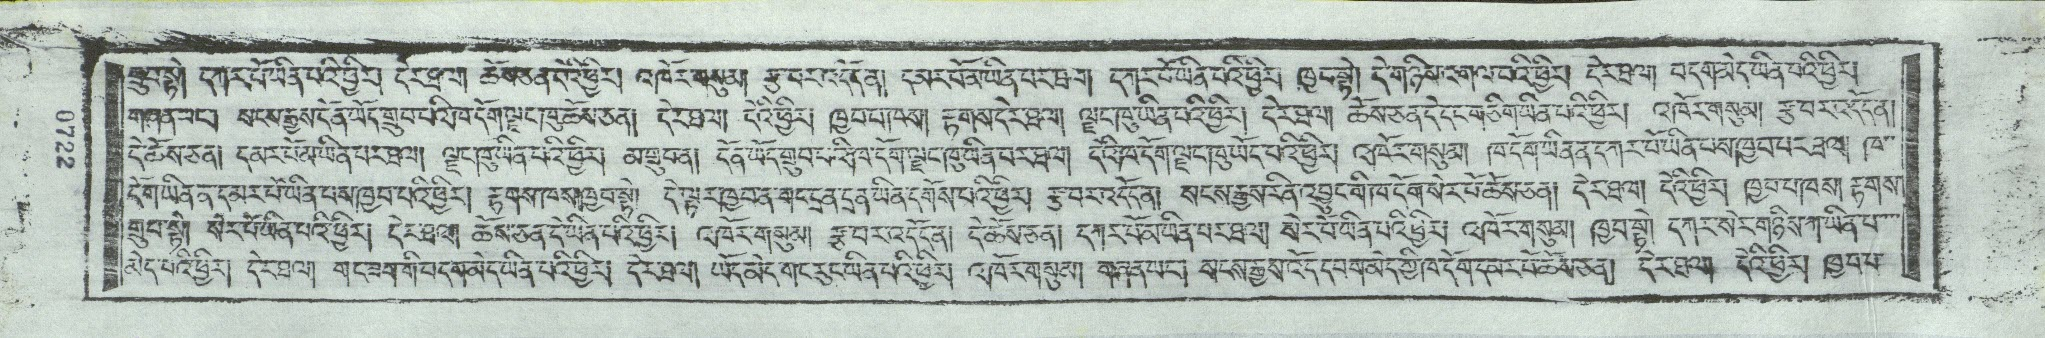གྲུབ་སྟེ། དཀར་པོ་ཡིན་པའི་ཕྱིར། དེར་ཐལ། ཆོས་ཅན་དེའི་ཕྱིར། འཁོར་གསུམ། རྩ་བར་འདོད་ན། དམར་པོ་མ་ཡིན་པར་ཐལ། དཀར་པོ་ཡིན་པའི་ཕྱིར། ཁྱབ་སྟེ། དེ་གཉིས་འགལ་བའི་ཕྱིར། དེར་ཐལ། བདག་མེད་ཡིན་པའི་ཕྱིར།
གཞན་ཡང་། སངས་རྒྱས་དོན་ཡོད་གྲུབ་པའི་ཁ་དོག་ལྗང་ཁུ་ཆོས་ཅན། དེར་ཐལ། དེའི་ཕྱིར། ཁྱབ་པ་ཁས། རྟགས་དེར་ཐལ། ལྗང་ཁུ་ཡིན་པའི་ཕྱིར། དེར་ཐལ། ཆོས་ཅན་དེ་དང་གཅིག་ཡིན་པའི་ཕྱིར། འཁོར་གསུམ། རྩ་བར་འདོད་ན།
དེ་ཆོས་ཅན། དམར་པོ་མ་ཡིན་པར་ཐལ། ལྗང་ཁུ་ཡིན་པའི་ཕྱིར། མ་གྲུབ་ན། དོན་ཡོད་གྲུབ་པའི་ཁ་དོག་ལྗང་ཁུ་ཡིན་པར་ཐལ། དེའི་ཁ་དོག་ལྗང་ཁུ་ཡོད་པའི་ཕྱིར། འཁོར་གསུམ། ཁ་དོག་ཡིན་ན་དཀར་པོ་ཡིན་པས་ཁྱབ་པར་ཐལ། ཁ་
དོག་ཡིན་ན་དམར་པོ་ཡིན་པས་ཁྱབ་པའི་ཕྱིར། རྟགས་ཁས། ཁྱབ་སྟེ། དེ་ལྟར་ཁྱབ་ན་གང་དྲན་དྲན་ཡིན་དགོས་པའི་ཕྱིར། རྩ་བར་འདོད་ན། སངས་རྒྱས་རིན་འབྱུང་གི་ཁ་དོག་སེར་པོ་ཆོས་ཅན། དེར་ཐལ། དེའི་ཕྱིར། ཁྱབ་པ་ཁས། རྟགས་
གྲུབ་སྟེ། སེར་པོ་ཡིན་པའི་ཕྱིར། དེར་ཐལ། ཆོས་ཅན་དེ་ཡིན་པའི་ཕྱིར། འཁོར་གསུམ། རྩ་བར་འདོད་ན། དེ་ཆོས་ཅན། དཀར་པོ་མ་ཡིན་པར་ཐལ། སེར་པོ་ཡིན་པའི་ཕྱིར། འཁོར་གསུམ། ཁྱབ་སྟེ། དཀར་སེར་གཉིས་ཀ་ཡིན་པ་
མེད་པའི་ཕྱིར། དེར་ཐལ། གང་ཟག་གི་བདག་མེད་ཡིན་པའི་ཕྱིར། དེར་ཐལ། ཡོད་མེད་གང་རུང་ཡིན་པའི་ཕྱིར། འཁོར་གསུམ། གཞན་ཡང་། སངས་རྒྱས་འོད་དཔག་མེད་ཀྱི་ཁ་དོག་དམར་པོ་ཆོས་ཅན། དེར་ཐལ། དེའི་ཕྱིར། ཁྱབ་པ་